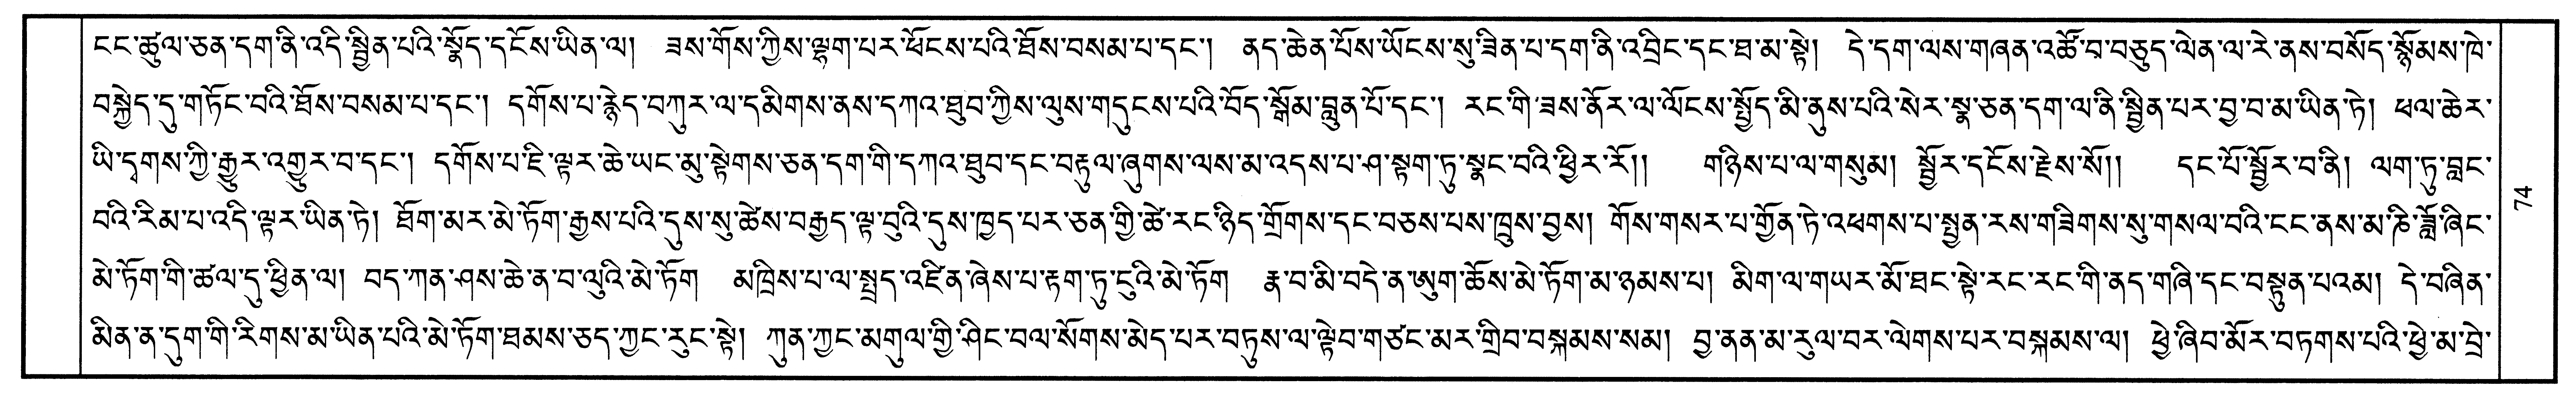ངང་ཚུལ་ཅན་དག་ནི་འདི་སྦྱིན་པའི་སྣོད་དངོས་ཡིན་ལ། ཟས་གོས་ཀྱིས་ལྷག་པར་ཕོངས་པའི་ཐོས་བསམ་པ་དང་། ནད་ཆེན་པོས་ཡོངས་སུ་ཟིན་པ་དག་ནི་འབྲིང་དང་ཐ་མ་སྟེ། དེ་དག་ལས་གཞན་འཚོ་བ་བཅུད་ལེན་ལ་རེ་ནས་བསོད་སྙོམས་ཁེ་
བསྐྱེད་དུ་གཏོང་བའི་ཐོས་བསམ་པ་དང་། དགོས་པ་རྙེད་བཀུར་ལ་དམིགས་ནས་དཀའ་ཐུབ་ཀྱིས་ལུས་གདུངས་པའི་བོད་སྒོམ་བླུན་པོ་དང་། རང་གི་ཟས་ནོར་ལ་ལོངས་སྤྱོད་མི་ནུས་པའི་སེར་སྣ་ཅན་དག་ལ་ནི་སྦྱིན་པར་བྱ་བ་མ་ཡིན་ཏེ། ཕལ་ཆེར་
ཡི་དྭགས་ཀྱི་རྒྱུར་འགྱུར་བ་དང་། དགོས་པ་ཇི་ལྟར་ཆེ་ཡང་མུ་སྟེགས་ཅན་དག་གི་དཀའ་ཐུབ་དང་བརྟུལ་ཞུགས་ལས་མ་འདས་པ་ཤ་སྟག་ཏུ་སྣང་བའི་ཕྱིར་རོ།། གཉིས་པ་ལ་གསུམ། སྦྱོར་དངོས་རྗེས་སོ།། དང་པོ་སྦྱོར་བ་ནི། ལག་ཏུ་བླང་
བའི་རིམ་པ་འདི་ལྟར་ཡིན་ཏེ། ཐོག་མར་མེ་ཏོག་རྒྱས་པའི་དུས་སུ་ཚེས་བརྒྱད་ལྟ་བུའི་དུས་ཁྱད་པར་ཅན་གྱི་ཚེ་རང་ཉིད་གྲོགས་དང་བཅས་པས་ཁྲུས་བྱས། གོས་གསར་པ་གྱོན་ཏེ་འཕགས་པ་སྤྱན་རས་གཟིགས་སུ་གསལ་བའི་ངང་ནས་མ་ཎི་ཟློ་ཞིང་
མེ་ཏོག་གི་ཚལ་དུ་ཕྱིན་ལ། བད་ཀན་ཤས་ཆེ་ན་བ་ལུའི་མེ་ཏོག་མཁྲིས་པ་ལ་སྤྲད་འཛིན་ཞེས་པ་རྟག་ཏུ་ངུའི་མེ་ཏོག་རྣ་བ་མི་བདེ་ན་ཨུག་ཆོས་མེ་ཏོག་མ་མ་ཉམས་པ། མིག་ལ་གཡར་མོ་ཐང་སྟེ་རང་རང་གི་ནད་གཞི་དང་བསྟུན་པའམ། དེ་བཞིན་
མིན་ན་དུག་གི་རིགས་མ་ཡིན་པའི་མེ་ཏོག་ཐམས་ཅད་ཀྱང་རུང་སྟེ། ཀུན་ཀྱང་མགུལ་གྱི་ཤིང་བལ་སོགས་མེད་པར་བཏུས་ལ་ལྟེབ་གཙང་མར་གྲིབ་བསྐམས་སམ། བྱ་ནན་མ་རུལ་བར་ལེགས་པར་བསྐམས་ལ། ཕྱེ་ཞིབ་མོར་བཏགས་པའི་ཕྱེ་མ་བྲེ་